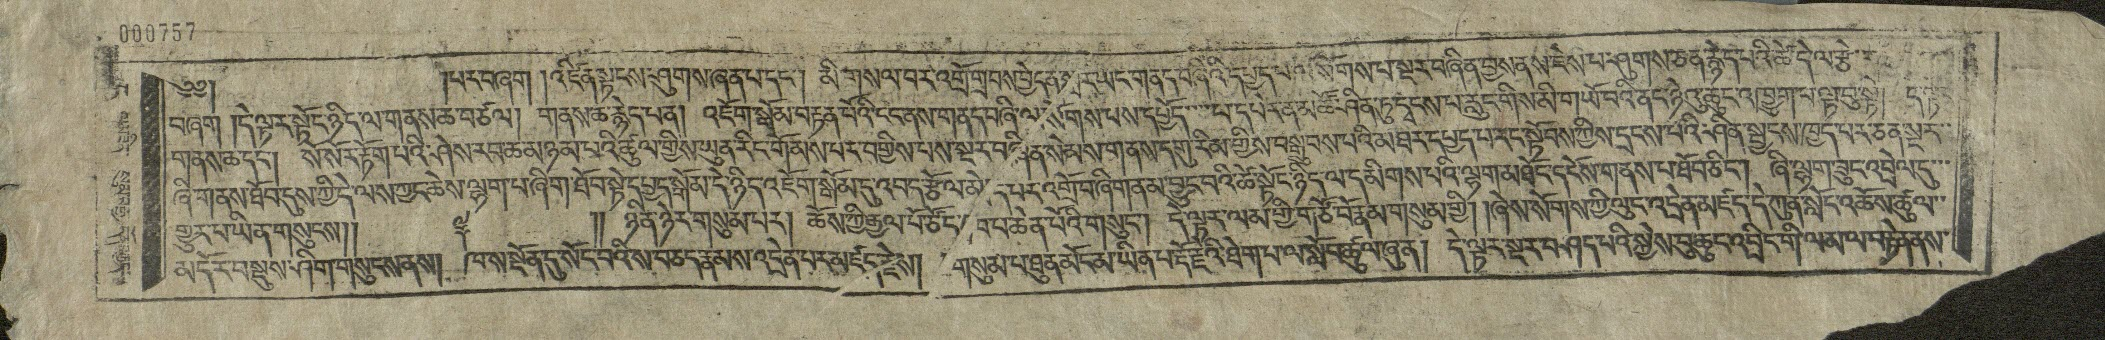༄༅། །པར་བཞག །འཛིན་སྟངས་ཤུགས་ཞན་པ་དང་། མི་གསལ་བར་འགྲོ་གྲབས་བྱེད་ན་སླར་ཡང་གནད་བཞིའི་དཔྱད་པ་ལ་སོགས་པ་སྔར་བཞིན་བྱས་ནས་ངེས་པ་ཤུགས་ཅན་རྙེད་པའི་ཚེ་དེ་ལ་རྩེ་གཅིག་ཏུ་
བཞག །དེ་ལྟར་སྟོང་ཉིད་ལ་གནས་ཆ་བཙལ། གནས་ཆ་རྙེད་པ་ན། འཇོག་སྒོམ་བརྟན་པོའི་ངང་ནས་གནད་བཞི་ལ་སོགས་པས་དཔྱོད་པ་དཔེར་ན་མཚོ་ཤིན་ཏུ་དྭངས་པ་རླུང་གིས་མི་གཡོ་བའི་ནང་ཉེའུ་ཆུང་འཁྱུག་པ་ལྟ་བུ་སྟེ། དེ་ལྟར་
གནས་ཆ་དང་། སོ་སོར་རྟོག་པའི་ཤེས་རབ་ཆ་མཉམ་པའི་ཚུལ་གྱིས་ཡུན་རིང་གོམས་པར་བགྱིས་པས་སྔར་བཞིན་སེམས་གནས་དགུ་རིམ་གྱིས་བསྒྲུབས་པའི་མཐར་དཔྱད་པ་རང་སྟོབས་ཀྱིས་དྲངས་པའི་ཤིན་སྦྱངས་ཁྱད་པར་ཅན་སྔར་
ཞི་གནས་ཐོབ་དུས་ཀྱི་དེ་ལས་ཀྱང་ཆེས་ལྷག་པ་ཞིག་ཐོབ་སྟེ་དཔྱད་སྒོམ་དེ་ཉིད་འཇོག་སྒོམ་དུ་འབད་རྩོལ་མེད་པར་འགྲོ་བ་ཞིག་ནམ་བྱུང་བའི་ཚེ་སྟོང་ཉིད་ལ་དམིགས་པའི་ལྷག་མཐོང་དངོས་གནས་པ་ཐོབ་ཅིང་། ཞི་ལྷག་ཟུང་འབྲེལ་དུ་
གྱུར་པ་ཡིན་གསུངས།། ༈ །།ཉིན་ཉེར་གསུམ་པར། ཆོས་ཀྱི་རྒྱལ་པོ་ཙོང་ཁ་པ་ཆེན་པོའི་གསུང་། དེ་ལྟར་ལམ་གྱི་གཙོ་བོ་རྣམ་གསུམ་གྱི། །ཞེས་སོགས་ཀྱི་ལུང་འདྲེན་མཛད་དེ་ཀུན་སློང་འཆོས་ཚུལ་
མདོར་བསྡུས་ཤིག་གསུངས་ནས། ཁ་ས་སྔོན་དུ་སོང་བའི་ས་བཅད་རྣམས་འདྲེན་པར་མཛད་རྗེས། གསུམ་པ་ཐུན་མོང་མ་ཡིན་པ་རྡོ་རྗེའི་ཐེག་པ་ལ་སློབ་ཚུལ་ཞུ་ན། དེ་ལྟར་སྔར་བཤད་པའི་སྐྱེས་བུ་ཆུང་འབྲིང་གི་ལམ་ལ་བརྟེན་ནས་